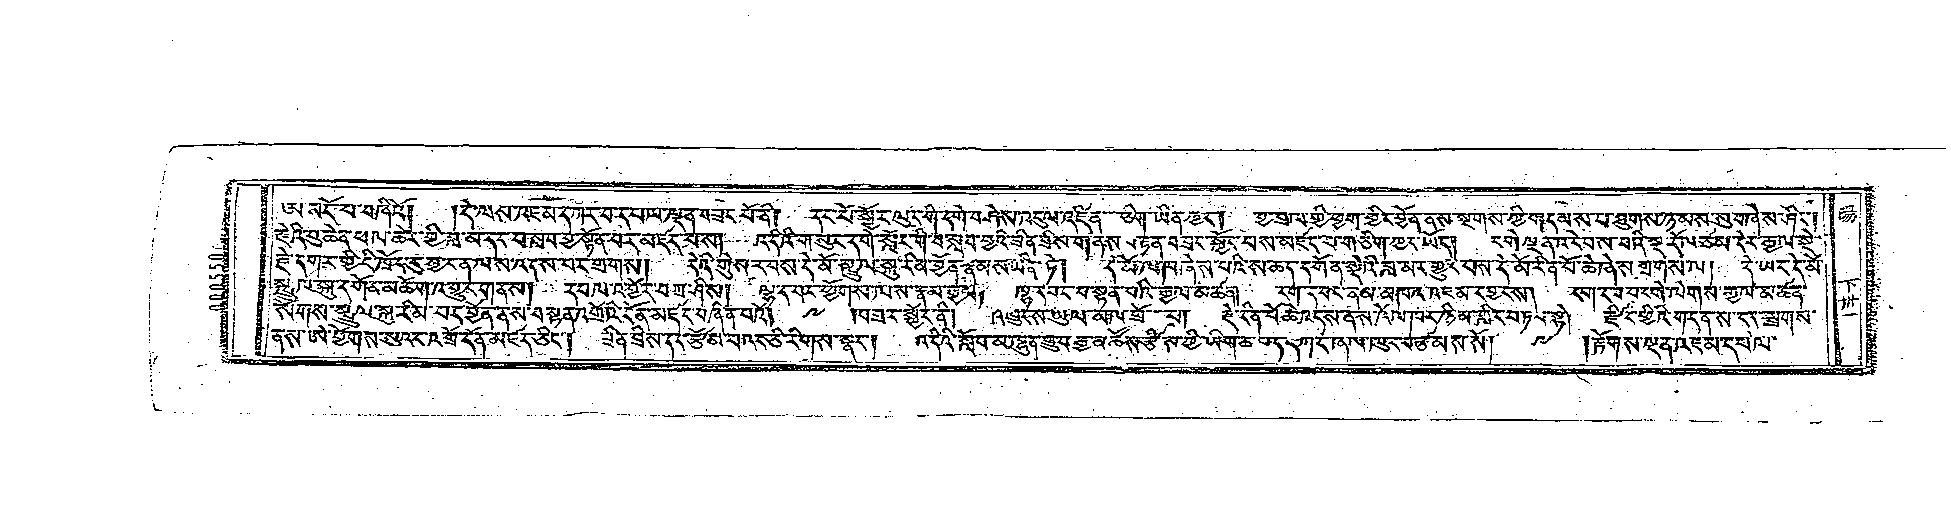ཨ་མདོ་པ་བཞིའོ། །དེ་ལས་འཇམ་དཀར་བ་དཔལ་ལྡན་བཟང་པོ་ནི། དང་པོ་སྐྱོར་ལུང་གི་དགེ་བཤེས་འདུལ་འཛིན་ཅིག་ཡིན་ཀྱང་། བྱ་བྲལ་གྱི་ཕྱག་ཕྱིར་བྱོན་ནས་སྔགས་ཀྱི་གདམས་པ་ཐུགས་ཉམས་སུ་བཞེས་ཤིང་།
རྗེའི་བུ་ཆེན་ཕལ་ཆེར་གྱི་བླ་མ་དང་བསླབ་བྱ་སྟོན་པར་མཛད་པས། འདིའི་གསུང་དགེ་སློང་གི་བསླབ་བྱའི་ཟིན་བྲིས་གནས་བརྟན་བཟང་སྐྱོང་པས་མཛད་པ་གཅིག་ཀྱང་ཡོད། དགེ་ལྡན་འདེབས་བའི་སྔ་རོལ་ཙམ་དེར་རྒྱལ་སྡེ་
རྗེ་དགར་གྱི་རི་ཁྲོད་དུ་མྱ་ངན་ལས་འདས་བར་གྲགས། དེའི་གུས་རབས་དེ་མོ་སྤྲུལ་སྐུ་རིམ་བྱོན་རྣམས་ཡིན་ཏེ། དེ་མོ་ལ་ཁ་ཞེས་པའི་ས་ཆད་དགོན་སྡེའི་བླ་མར་གྱུར་པས་དེ་མོ་རིན་པོ་ཆེ་ཞེས་གྲགས་ལ། དེ་ཡང་དེ་མོ་
སྤྲུལ་སྐུ་དགོན་མཆོག་འབྱུང་གནས། དཔལ་འབྱོར་བཀྲ་ཤིས། ལྷ་དབང་ཕྱོགས་ལས་རྣམ་རྒྱལ། ལྷ་དབང་བསྟན་པའི་རྒྱལ་མཚན། ངག་དབང་ནམ་མཁའ་འཇམ་དབྱངས། ངག་དབང་དགེ་ལེགས་རྒྱལ་མཚན་
སོགས་སྤྲུལ་སྐུ་རིམ་པར་བྱོན་ནས་བསྟན་འགྲོའི་དོན་མཛད་བཞིན་པའོ། ༧་།བཟང་སྐྱོང་ནི། འཁྲུངས་ཡུལ་མལ་གྲོ་པ། རྗེ་རིན་པོ་ཆེ་འདས་ནས་འོལ་ཁར་ཉི་མ་གླིང་བཏབ་སྟེ། རྫིང་ཕྱིའི་གདན་ས་དང་སྤྲགས་
ནས་ཨེ་ཕྱོགས་སུའང་འགྲོ་དོན་མཛད་ཅིང་། ཟིན་བྲིས་དང་རྩོམ་བའང་ཅི་རིགས་སྣང་། འདིའི་སློབ་མ་ལྷུན་གྲུབ་རྒྱ་མཚོས་རྩིས་ཀྱི་ཡིག་ཆ་བ་ད་དཀར་ཞལ་ལུང་བཙམས་སོ། ༧་།རྟོགས་ལྡན་འཇམ་དཔལ་